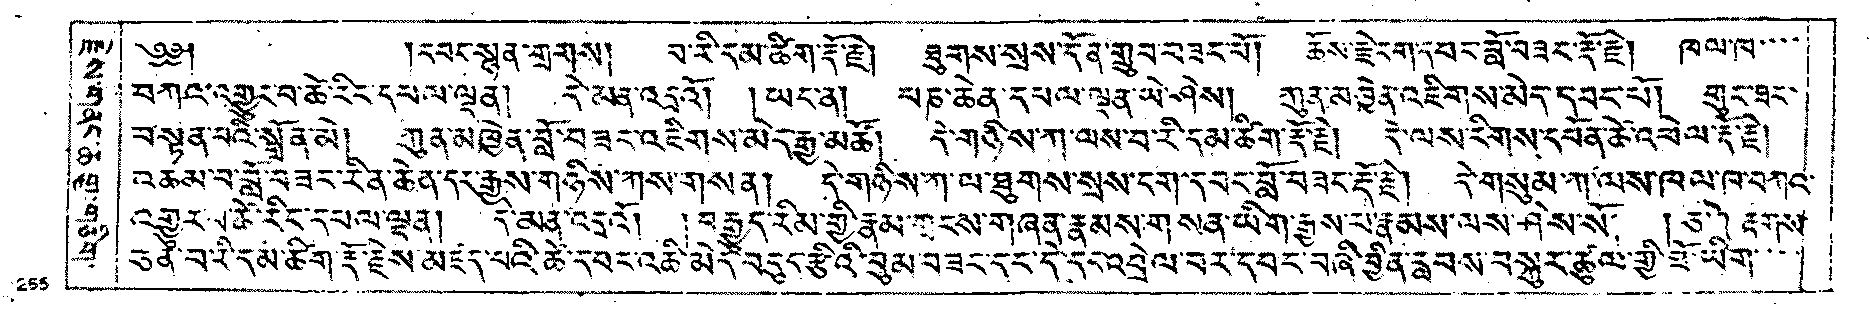༄༅། །དབང་སྙན་གྲགས། བ་རི་དམ་ཚིག་རྡོ་རྗེ། ཐུགས་སྲས་དོན་གྲུབ་བཟང་པོ། ཆོས་རྗེ་ངག་དབང་བློ་བཟང་རྡོ་རྗེ། ཁལ་ཁ་
བཀའ་འགྱུར་བ་ཚེ་རིང་དཔལ་ལྡན། དེ་མན་འདྲའོ། །ཡང་ན། པཎ་ཆེན་དཔལ་ལྡན་ཡེ་ཤེས། ཀུན་མཁྱེན་འཇིགས་མེད་དབང་པོ། གུང་ཐང་
བསྟན་པའི་སྒྲོན་མེ། ཀུན་མཁྱེན་བློ་བཟང་འཇིགས་མེད་རྒྱ་མཚོ། དེ་གཉིས་ཀ་ལས་བ་རི་དམ་ཚིག་རྡོ་རྗེ། དེ་ལས་རིགས་དཔོན་ཚེ་འཕེལ་རྡོ་རྗེ།
འཆམ་པ་བློ་བཟང་རིན་ཆེན་དར་རྒྱས་གཉིས་ཀས་གསན། དེ་གཉིས་ཀ་ལ་ཐུགས་སྲས་ངག་དབང་བློ་བཟང་རྡོ་རྗེ། དེ་གསུམ་ཀ་ལས་ཁལ་ཁ་བཀའ་
འགྱུར་བ་ཚེ་རིང་དཔལ་ལྡན། དེ་མན་འདྲའོ། །བརྒྱུད་རིམ་གྱི་རྣམ་གྲངས་གཞན་རྣམས་གསན་ཡིག་རྒྱས་པ་རྣམས་ལས་ཤེས་སོ། །ཅ྄་རྟགས་
ཅན་བ་རི་དམ་ཚིག་རྡོ་རྗེས་མཛད་པའི་ཚེ་དབང་འཆི་མེད་བདུད་རྩིའི་བུམ་བཟང་དང་དེ་དང་འབྲེལ་བར་དབང་བཞི་བྱིན་རླབས་བསྐུར་ཚུལ་གྱི་ཐོ་ཡིག་